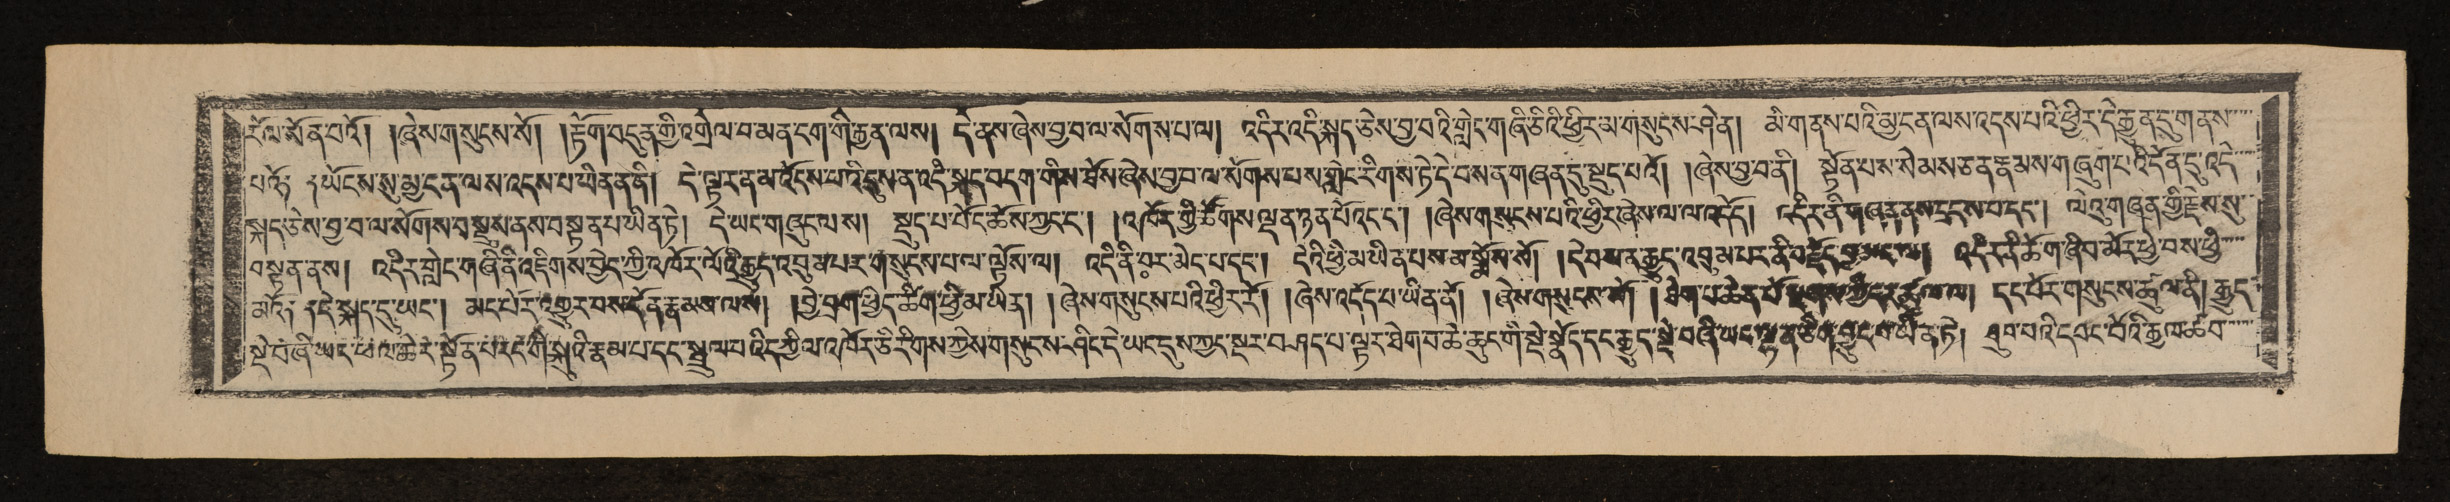རོལ་སོན་པའོ། །ཞེས་གསུངས་སོ། །རྟོག་བདུན་གྱི་འགྲེལ་པ་མན་ངག་གི་རྒྱན་ལས། དེ་ནས་ཞེས་བྱ་བ་ལ་སོགས་པ་ལ། འདིར་འདི་སྐད་ཅེས་བྱ་བའི་གླེང་གཞི་ཅིའི་ཕྱིར་མ་གསུངས་ཤེ་ན། མི་གནས་པའི་མྱ་ངན་ལས་འདས་པའི་ཕྱིར་དེ་རྒྱུན་དུ་གནས་
བའོ༑ ༑ཡོངས་སུ་མྱ་ངན་ལས་འདས་པ་ཡིན་ན་ནི། དེ་ལྟར་ན་མ་འོངས་པའི་དུས་ན་འདི་སྐད་བདག་གིས་ཐོས་ཞེས་བྱ་བ་ལ་སོགས་པས་གླེང་རིགས་ཏེ་དེ་བས་ན་གཞན་དུ་སྡུད་པའོ། །ཞེས་བྱ་བ་ནི། སྟོན་པས་སེམས་ཅན་རྣམས་གཞུག་པའི་དོན་དུ་འདི་
སྐད་ཅེས་བྱ་བ་ལ་སོགས་བསྡུས་ནས་བསྟན་པ་ཡིན་ཏེ། དེ་ཡང་གཞུང་ལས། སྡུད་པ་པོ་ད་ཆོས་ཀྱང་ང་། །འཁོར་གྱི་ཚོགས་ལྡན་ཉན་པོའང་ང་། །ཞེས་གསུངས་པའི་ཕྱིར་ཞེས་ལ་ལ་འདོད། འདིར་ནི་གཞན་ནས་དྲངས་པ་དང་། ལེའུ་གཞན་གྱི་རྗེས་སུ་
བསྟན་ནས། འདིར་གླེང་གཞི་ནི་འཇིགས་བྱེད་ཀྱི་འཁོར་ལོའི་རྒྱུད་འབུམ་པར་གསུངས་པ་ལ་ལྟོས་ལ། འདི་ནི་བར་མེད་པ་དང་། དེའི་ཕྱི་མ་ཡིན་པས་མ་སྨོས་སོ། །དེ་བས་ན་རྒྱུད་འབུམ་པར་ནི་བརྗོད་བྱ་མང་ལ། འདིར་ནི་ཆོ་གཞིབ་མོར་ཕྱེ་བས་ཕྱི་
མའོ༑ ༑དེ་སྐད་དུ་ཡང་། མང་པོར་འགྱུར་བས་དོན་རྣམས་ལས། །བྱེ་བྲག་ཕྱེད་ཚིག་ཕྱི་མ་ཡིན། །ཞེས་གསུངས་བའི་ཕྱིར་རོ། །ཞེས་འདོད་པ་ཡིན་ནོ། །ཞེས་གསུངས་སོ། །ཐེག་པ་ཆེན་པོ་སྔགས་ཀྱི་དང་ཚུལ་ལ། དང་པོར་གསུངས་ཚུལ་ནི། རྒྱུད་
སྡེ་བཞི་ཡང་ཕལ་ཆེར་སྟོན་པ་རང་གི་སྐུའི་རྣམ་པ་དང་སྤྲུལ་བའི་དཀྱིལ་འཁོར་ཅི་རིགས་ཀྱིས་གསུངས་ཤིང་དེ་ཡང་དུས་ཀྱང་སྔར་བཤད་པ་ལྟར་ཐེག་པ་ཆེ་ཆུང་གི་སྡེ་སྣོད་དང་རྒྱུད་སྡེ་བཞི་ཡང་ལྷན་ཅིག་བྱུང་བ་ཡིན་ཏེ། ཐུབ་པའི་དབང་པོའི་རྒྱལ་ཚབ་